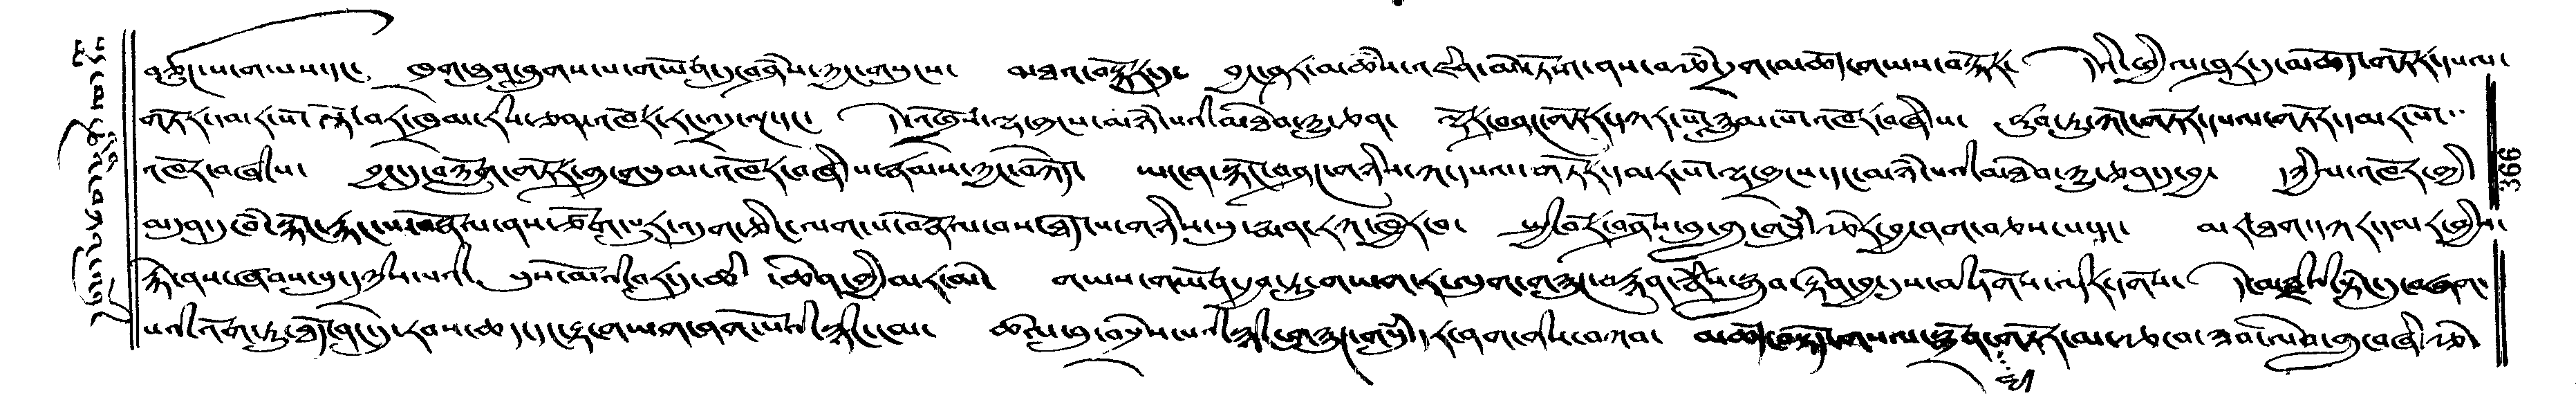བཙུགས་པ་གཡས་དང་། ཁྲག་ཐུན་བླུགས་པ་གཡོན་དུ་གཤོམ་ཀྱང་གསུངས། མཐའ་བསྐོར་དུ། བྱང་ཤར་མཚམས་འཛིན་མེ་ཏོག་ནས་བརྩམས་དྲག་མཆོད་གཡས་བསྐོར། དེའི་ཕྱི་ལ་ཤར་དུ་མཆོད་གཏོར་དཔལ་
གཏོར་དམར་པོ་ལྟོ་བར་ཁྲམ་རིས་ཅན་འཁོར་རང་འདྲ་ལྔ་དང་། དེ་འཕྲོས་ལྷ་གྲངས་དང་མཉམ་པའི་མཐེབ་སྐྱུ་ཅན། ལྷོར་བཤགས་གཏོར་དཀར་པོ་ཟླུམ་པོ་འཁོར་བཞི་པ། ནུབ་ཏུ་སྐོང་གཏོར་དཔལ་གཏོར་དམར་པོ་
འཁོར་བཞི་པ།བྱང་དུ་ཟློག་གཏོར་གྲུ་གསུམ་འཁོར་བཞི་པ་རྣམས་ཀྱང་དགོད། ཡང་ན་སྐོང་བཤགས་གཉིས་ཀ་དཔལ་གཏོར་དམར་པོ་ལྷ་གྲངས་མཉམ་པའི་མཐེབ་སྐྱུ་ཅན་དུ་བྱ། དཀྱིལ་འཁོར་གྱི་
མདུན་དུ་བམ་སྐོང་རྐང་པ་བསྣོལ་ནས་ཙོག་པུར་འདུག་ཅིང་ལག་པ་བསྣོལ་བས་ཐོད་པ་གཉིས་སུ་སྨན་རཀ་འཁྱེར་བ། སྤྱི་བོར་བཤོས་བུ་གྲུ་གསུམ་རྩེར་བྱ་ནག་བཅས་པ་དང་། མར་ཐག་དཀར་དམར་གྱིས་
རྐེ་ནས་ཞབས་སུ་དཀྲིས་པའི་པུས་མོའི་བར་དུ་ཚིལ་ཆེན་གྱི་མར་མེ། གཡས་གཡོན་རྒྱབ་ཏུ་གཡག་ར་ལུག་གཟུགས་བརྙན་རྣམས་སྒྲུབ་རྟེན་བྱ་དུས་མི་དགོས་ཀྱང་འདིར་དགོས། དེ་མཉྫིའི་སྟེང་དུ་བཞག་
པའི་འོག་ཏུ་ཐོད་ནང་རབས་ཆད་དང་རྟ་གཡག་ནག་པོའི་སྙིང་ངམ། ཚལ་བུ་བསྲེས་པའི་སྙིང་གཟུགས་གསུམ་དར་ནག་གིས་བཀབ་པ། མཆོད་བསྟོད་གསལ་སྒྲོན་གྱི་གཏོར་མ་རྩ་བ་ཟན་ལེབ་གྲུ་བཞི་རྩེ་